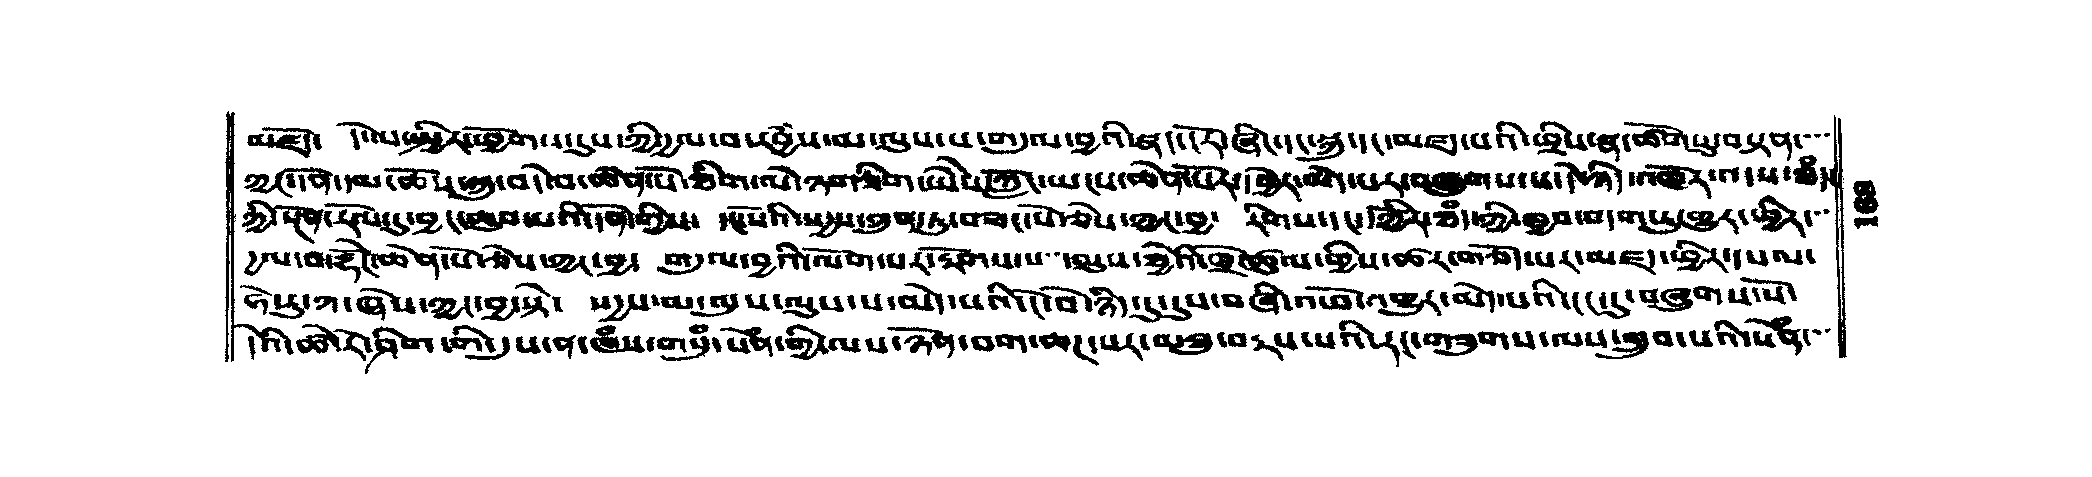མཛོད། དེ་ལ་སྤྱིར་ཕྱོགས་དུས་ཀྱི་རྒྱལ་བ་རབ་འབྱམས་མ་ལུས་པ་གདུལ་བྱའི་སྣང་ངོར་ཞིང་དང་སྐུ་དང་མཛད་པའི་ཕྲིན་ལས་སྣ་ཚོགས་སུ་བསྟན་
ཀྱང་དོན་དམ་ཆོས་སྐུ་བདེ་བ་ཆེན་པོ་ཐིག་ལེ་ཉག་གཅིག་ཡེ་ཤེས་ཀློང་ཡངས་ཆེན་པོར་དབྱེར་མེད་པར་བཞུགས་པ་དེ་ཉིད་འཁོར་འདས་ཐམས་ཅད་
ཀྱི་སྔོན་རོལ་དུ་བྱང་ཆུབ་པའི་དོན་གྱིས།དང་པོའི་སངས་རྒྱས་ཀུན་ཏུ་བཟང་པོ་ཅེས་ཀྱང་བྱ། རིགས་དང་དཀྱིལ་འཁོར་ཐམས་ཅད་ཀྱི་ཁྱབ་བདག་ཏུ་གྱུར་ཕྱིར་
རྒྱལ་བ་རྡོ་རྗེ་འཆང་ཆེན་པོ་ཅེས་ཀྱང་བྱ། གདུལ་བྱའི་ལོག་པར་རྟོགས་པ་མུས་ཐུགས་རྗེའི་ཁྲོ་ཚུལ་གྱིས་ཚར་གཅོད་པར་མཛད་ཕྱིར་དཔལ་
ཧེ་རུ་ཀ་ཞེས་ཀྱང་བྱ་སྟེ། སངས་རྒྱས་མ་ལུས་ལུས་པ་མེད་པའི་ངོ་བོ་ཉིད་དུ་དུས་བཞི་འཕོ་འགྱུར་མེད་པའི་ངང་དུ་བཞུགས་སོ། 
དེའི་ཚེ་རོ་ཤིག་གི་དུས་ན་ཁམས་གསུམ་སེམས་ཅན་གྱི་ལས་ནོན་བག་ཆགས་པར་མཐུ་བརྟས་པའི་རང་གཟུགས་ལས་གྲུབ་པའི་སེམས་ཅན་